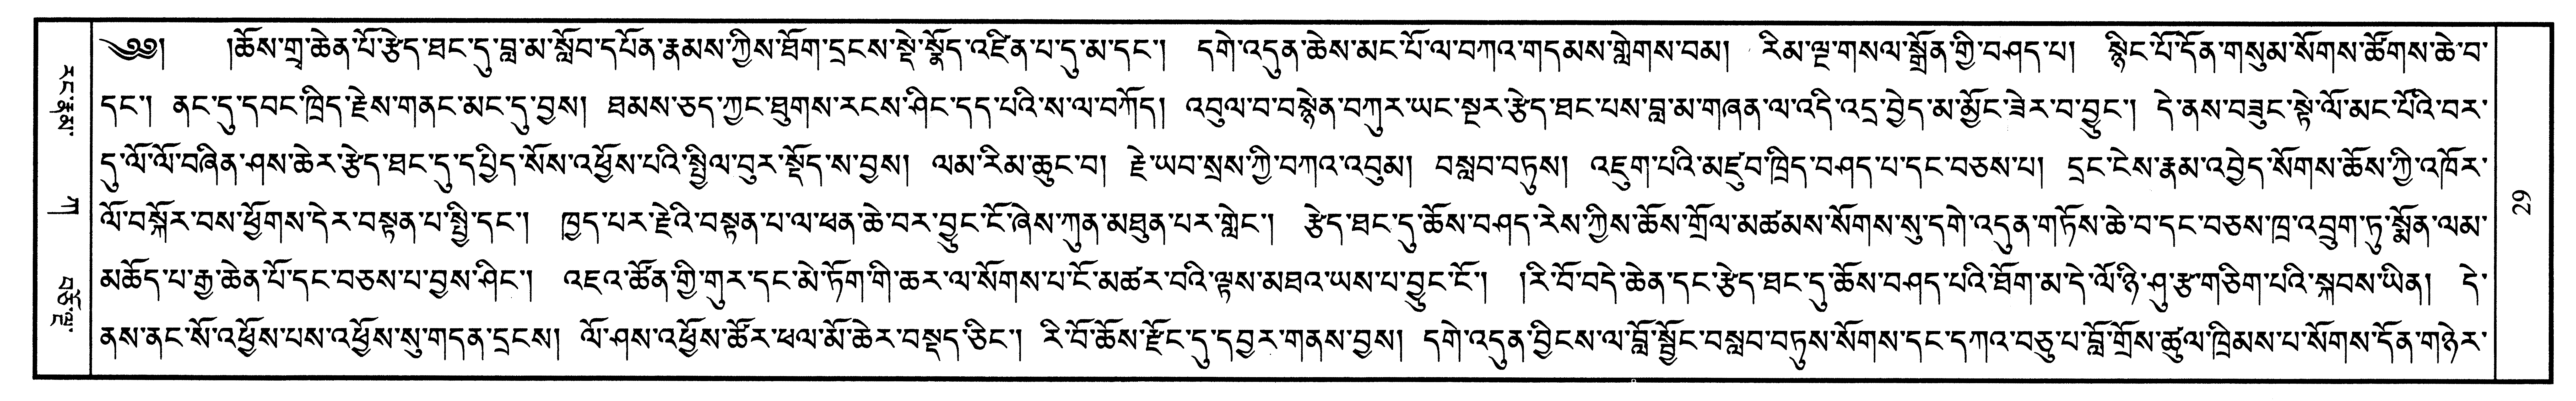༄༅། །ཆོས་གྲྭ་ཆེན་པོ་རྩེད་ཐང་དུ་བླ་མ་སློབ་དཔོན་རྣམས་ཀྱིས་ཐོག་དྲངས་སྡེ་སྣོད་འཛིན་པ་དུ་མ་དང་། དགེ་འདུན་ཆེས་མང་པོ་ལ་བཀའ་གདམས་གླེགས་བམ། རིམ་ལྔ་གསལ་སྒྲོན་གྱི་བཤད་པ། སྙིང་པོ་དོན་གསུམ་སོགས་ཚོགས་ཆེ་བ་
དང་། ནང་དུ་དབང་ཁྲིད་རྗེས་གནང་མང་དུ་བྱས། ཐམས་ཅད་ཀྱང་ཐུགས་རངས་ཤིང་དད་པའི་ས་ལ་བཀོད། འབུལ་བ་བསྙེན་བཀུར་ཡང་སྔར་རྩེད་ཐང་པས་བླ་མ་གཞན་ལ་འདི་འདྲ་བྱེད་མ་མྱོང་ཟེར་བ་བྱུང་། དེ་ནས་བཟུང་སྟེ་ལོ་མང་པོའི་བར་
དུ་ལོ་ལོ་བཞིན་ཤས་ཆེར་རྩེད་ཐང་དུ་དཔྱིད་སོས་འཕྱོས་པའི་སྤྱིལ་བུར་སྡོད་ས་བྱས། ལམ་རིམ་ཆུང་བ། རྗེ་ཡབ་སྲས་ཀྱི་བཀའ་འབུམ། བསླབ་བཏུས། འཇུག་པའི་མཛུབ་ཁྲིད་བཤད་པ་དང་བཅས་པ། དྲང་ངེས་རྣམ་འབྱེད་སོགས་ཆོས་ཀྱི་འཁོར་
ལོ་བསྐོར་བས་ཕྱོགས་དེར་བསྟན་པ་སྤྱི་དང་། ཁྱད་པར་རྗེའི་བསྟན་པ་ལ་ཕན་ཆེ་བར་བྱུང་ངོ་ཞེས་ཀུན་མཐུན་པར་གླེང་། རྩེད་ཐང་དུ་ཆོས་བཤད་རེས་ཀྱིས་ཆོས་གྲོལ་མཚམས་སོགས་སུ་དགེ་འདུན་གཏོས་ཆེ་བ་དང་བཅས་ཁྲ་འབྲུག་ཏུ་སྨོན་ལམ་
མཆོད་པ་རྒྱ་ཆེན་པོ་དང་བཅས་པ་བྱས་ཤིང་། འཇའ་ཚོན་གྱི་གུར་དང་མེ་ཏོག་གི་ཆར་ལ་སོགས་པ་ངོ་མཚར་བའི་ལྟས་མཐའ་ཡས་པ་བྱུང་ངོ། །རི་བོ་བདེ་ཆེན་དང་རྩེད་ཐང་དུ་ཆོས་བཤད་པའི་ཐོག་མ་དེ་ལོ་ཉི་ཤུ་རྩ་གཅིག་པའི་སྐབས་ཡིན། དེ་
ནས་ནང་སོ་འཕྱོས་པས་འཕྱོས་སུ་གདན་དྲངས། ལོ་ཤས་འཕྱོས་ཚོར་ཕལ་མོ་ཆེར་བསྡད་ཅིང་། རི་བོ་ཆོས་རྫོང་དུ་དབྱར་གནས་བྱས། དགེ་འདུན་བྱིངས་ལ་བློ་སྦྱོང་བསླབ་བཏུས་སོགས་དང་དཀའ་བཅུ་པ་བློ་གྲོས་ཚུལ་ཁྲིམས་པ་སོགས་དོན་གཉེར་